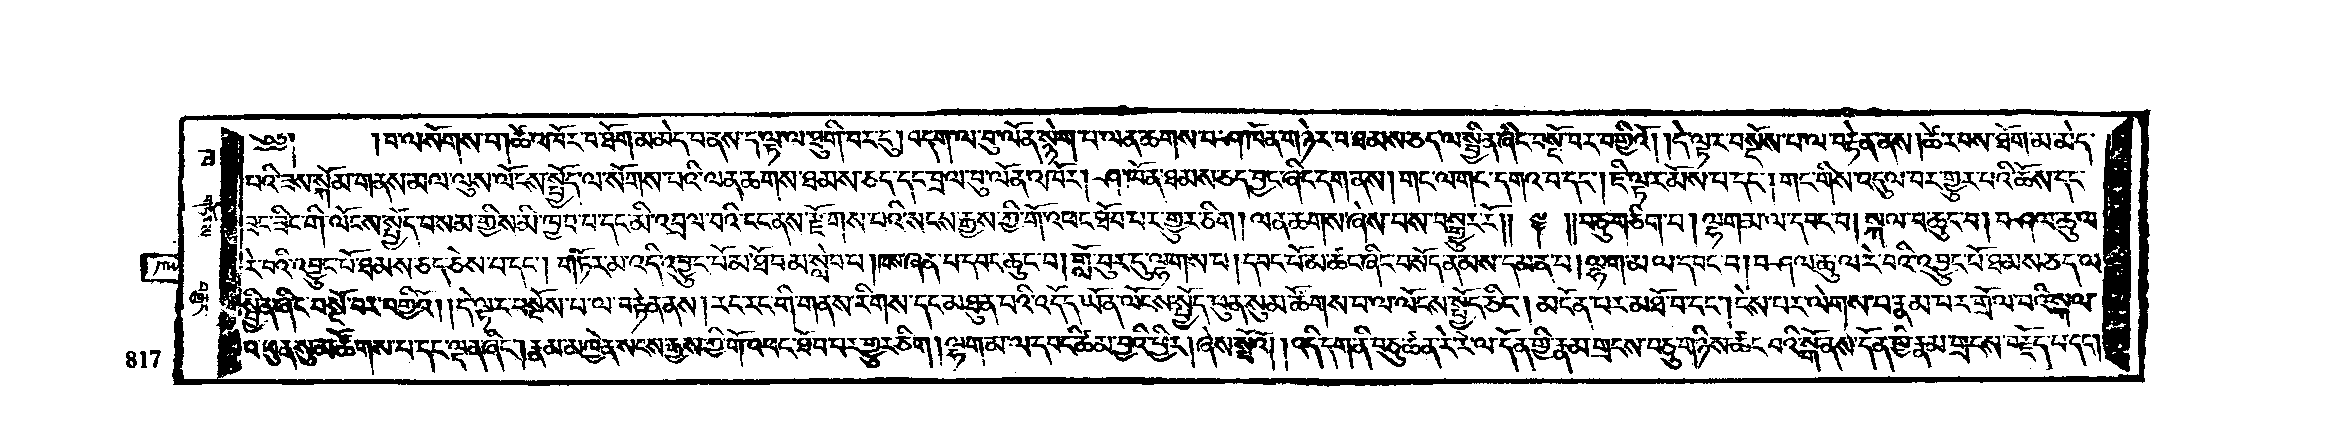༄༅། །བ་ལ་སོགས་པ། ཚེ་འཁོར་བ་ཐོག་མ་མེད་པ་ནས་ད་ལྟ་ལ་ཐུག་གི་བར་དུ། བདག་ལ་བུ་ལོན་སྙེག་པ་ལན་ཆགས་པ་ཤ་ཁོན་གཉེར་བ་ཐམས་ཅད་ལ་སྦྱིན་ཞིང་བསྔོ་བར་བགྱིའོ། །དེ་ལྟར་བསྔོས་པ་ལ་བརྟེན་ནས། ཚེ་རབས་ཐོག་མ་མེད་
པའི་ཟས་སྐོམ་གནས་མལ་ལུས་ལོངས་སྤྱོད་ལ་སོགས་པའི་ལན་ཆགས་ཐམས་ཅད་དང་བྲལ་བུ་ལོན་འཁོར། ཤ་ཁོན་ཐམས་ཅད་བྱང་ཞིང་དག་ནས། གང་ལ་གང་དགའ་བ་དང་། ཇི་ལྟར་མོས་པ་དང་། གང་གིས་འདུལ་བར་གྱུར་པའི་ཆོས་དང་
ཟང་ཟིང་གི་ལོངས་སྤྱོད་བསམ་གྱིས་མི་ཁྱབ་པ་དང་མ་འབྲལ་བའི་ངང་ནས་རྫོགས་པའི་སངས་རྒྱས་ཀྱི་གོ་འཕང་ཐོབ་པར་གྱུར་ཅིག །ལན་ཆགས་ཞེས་པས་བསྒྱུར་རོ།། ༈ །།བཅུ་གཅིག་པ། ལྷག་མ་ལ་དབང་བ། སྐལ་བ་ཆུང་བ། བཤལ་ཆུལ་
རེ་བའི་འབྱུང་པོ་ཐམས་ཅད་ཅེས་པ་དང་། གཏོར་མ་འདི་འབྱུང་པོ་མ་ཐོབ་མ་སླེབ་པ། ཁས་ཞན་པ་དབང་ཆུང་བ། གློ་བུར་དུ་ལྷགས་པ། དབང་པོ་མ་ཚང་ཞིང་བསོད་ནམས་དམན་པ། ལྷག་མ་ལ་དབང་བ། བཤལ་ཆུ་ལ་རེ་བའི་འབྱུང་པོ་ཐམས་ཅད་ལ་
སྦྱིན་ཞིང་བསྔོ་བར་བགྱིའོ། །དེ་ལྟར་བསྔོས་པ་ལ་བརྟེན་ནས། རང་རང་གི་གནས་རིགས་དང་མཐུན་པའི་འདོད་ཡོན་ལོངས་སྤྱོད་ཕུན་སུམ་ཚོགས་པ་ལ་ལོངས་སྤྱོད་ཅིང་། མངོན་པར་མཐོ་བ་དང་། ངེས་པར་ལེགས་པ་རྣམ་པར་གྲོལ་བའི་སྐལ་
བ་ཕུན་སུམ་ཚོགས་པ་དང་ལྡན་ཞིང་། རྣམ་མཁྱེན་སངས་རྒྱས་ཀྱི་གོ་འཕང་ཐོབ་པར་གྱུར་ཅིག །ལྷག་མ་ལ་དབང་ཚིམ་བྱའི་ཕྱིར། ཞེས་སྤོའོ། །འདི་དག་ནི་བཅུ་ཚན་རེ་རེ་ལ་དོན་གྱི་རྣམ་གྲངས་བཅུ་གཉིས་ཚང་བའི་སྒོ་ནས་དོན་གྱི་རྣམ་གྲངས་བརྗོད་པ་དང་།